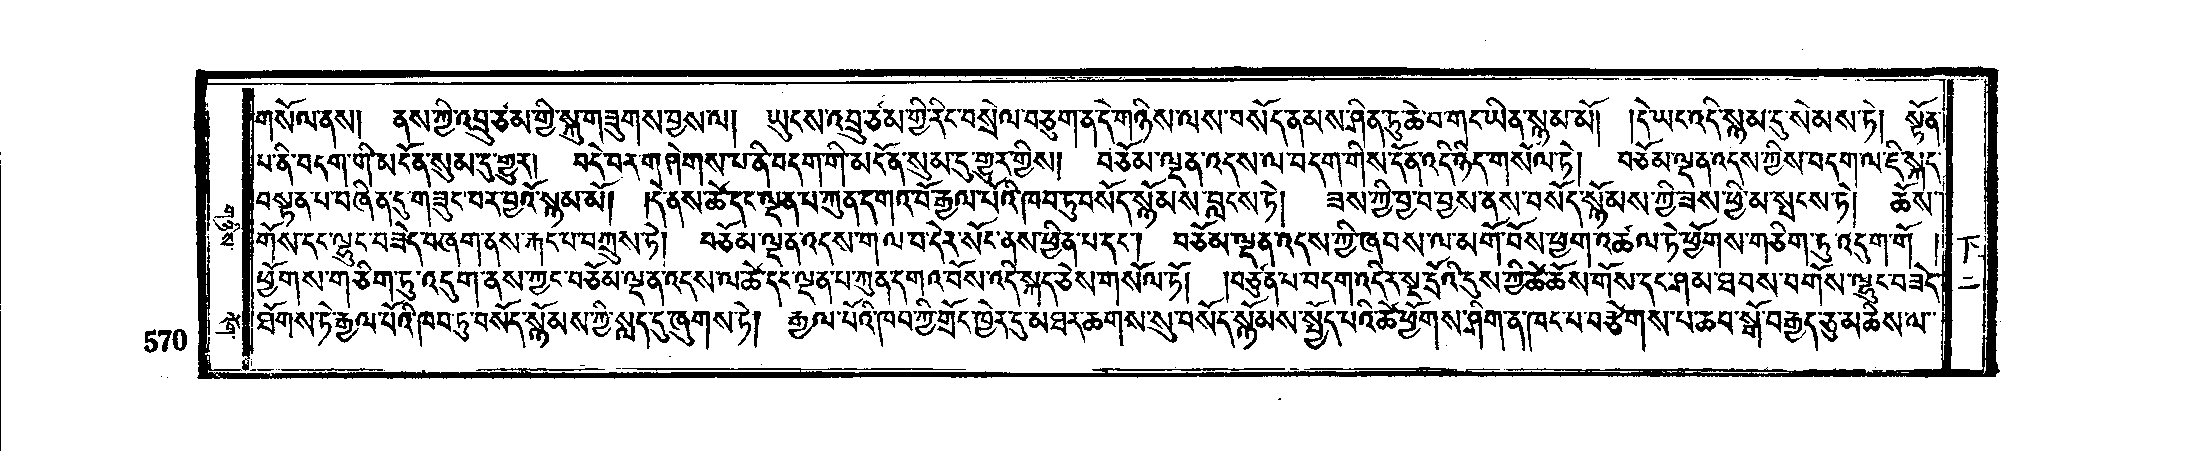གསོལ་ནས། ནས་ཀྱི་འབྲུ་ཙམ་གྱི་སྐུ་གཟུགས་བྱས་ལ། ཡུངས་འབྲུ་ཙམ་གྱི་རིང་བསྲེལ་བཅུག་ན་དེ་གཉིས་ལས་བསོད་ནམས་ཤིན་ཏུ་ཆེ་བ་གང་ཡིན་སྙམ་མོ། །དེ་ཡང་འདི་སྙམ་དུ་སེམས་ཏེ། སྟོན་
པ་ནི་བདག་གི་མངོན་སུམ་དུ་གྱུར། བདེ་བར་གཤེགས་པ་ནི་བདག་གི་མངོན་སུམ་དུ་གྱུར་གྱིས། བཅོམ་ལྡན་འདས་ལ་བདག་གིས་དོན་འདི་ཉིད་གསོལ་ཏེ། བཅོམ་ལྡན་འདས་ཀྱིས་བདག་ལ་ཇི་སྐད་
བསྟན་པ་བཞིན་དུ་གཟུང་བར་བྱའོ་སྙམ་མོ། །དེ་ནས་ཚེ་དང་ལྡན་པ་ཀུན་དགའ་བོ་རྒྱལ་པོའི་ཁབ་ཏུ་བསོད་སྙོམས་བླངས་ཏེ། ཟས་ཀྱི་བྱ་བ་བྱས་ནས་བསོད་སྙོམས་ཀྱི་ཟས་ཕྱི་མ་སྤངས་ཏེ། ཆོས་
གོས་དང་ལྷུང་བཟེད་བཞག་ནས་རྐང་པ་བཀྲུས་ཏེ། བཅོམ་ལྡན་འདས་གལ?་བ་དེར་སོང་ནས་ཕྱིན་པ་དང་། བཅོམ་ལྡན་འདས་ཀྱི་ཞབས་ལ་མགོ་བོས་ཕྱག་འཚལ་ཏེ་ཕྱོགས་གཅིག་ཏུ་འདུག་གོ །
ཕྱོགས་གཅིག་ཏུ་འདུག་ནས་ཀྱང་བཅོམ་ལྡན་འདས་ལ་ཚེ་དང་ལྡན་པ་ཀུན་དགའ་བོས་འདི་སྐད་ཅེས་གསོལ་ཏོ། །བཙུན་པ་བདག་འདིར་སྔ་དྲོའི་དུས་ཀྱི་ཚེ་ཆོས་གོས་དང་ཤམ་ཐབས་བགོས་ལྷུང་བཟེད་
ཐོགས་ཏེ་རྒྱལ་པོའི་ཁབ་ཏུ་བསོད་སྙོམས་ཀྱི་སླད་དུ་ཞུགས་ཏེ། རྒྱལ་པོའི་ཁབ་ཀྱི་གྲོང་ཁྱེར་དུ་མཐར་ཆགས་སུ་བསོད་སྙོམས་སྤྱོད་པའི་ཚེ་ཕྱོགས་ཤིག་ན་ཁང་པ་བརྩེགས་པ་ཆབ་སྒོ་བརྒྱད་ཅུ་མཆིས་ལ་